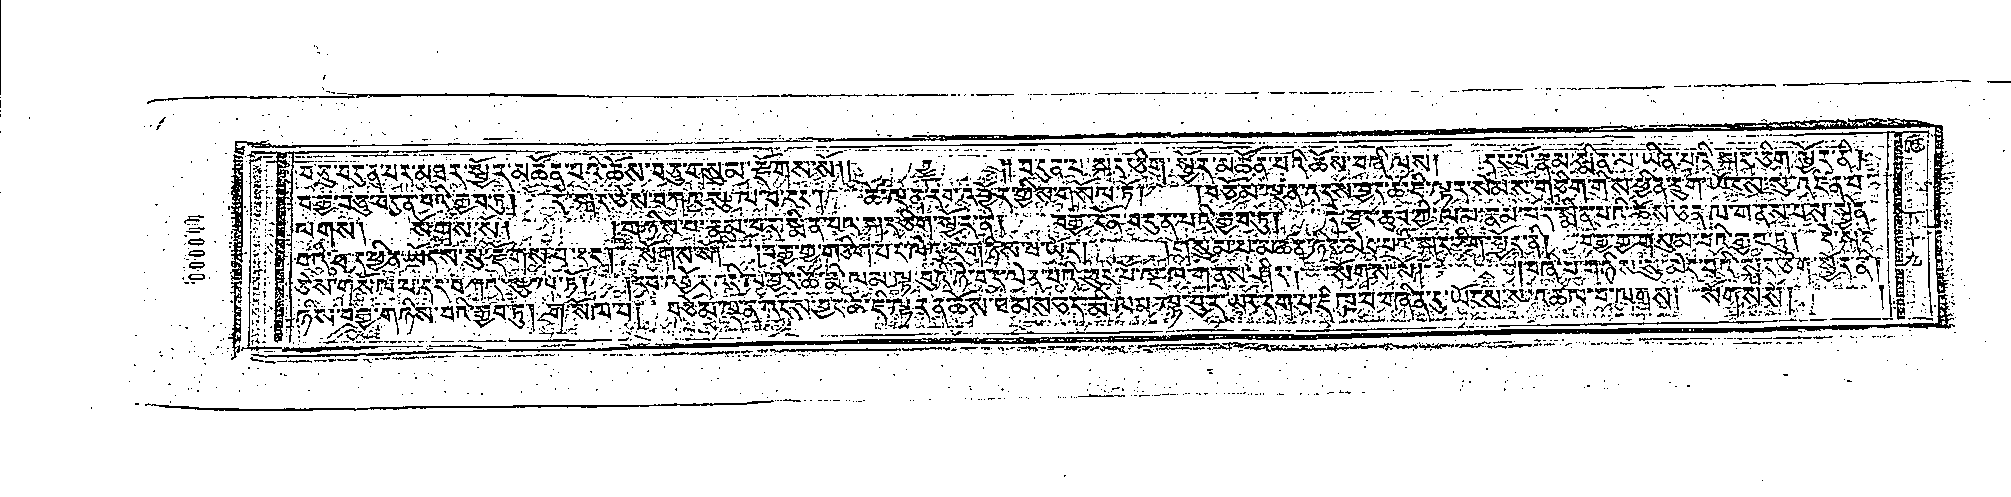བཅུ་བདུན་པར་མཐར་སྦྱོར་མཚོན་པའི་ཆོས་བཅུ་གསུམ་རྫོགས་སོ།། ༈ །།བདུན་པ་སྐད་ཅིག་སྦྱོར་མཚོན་པའི་ཆོས་བཞི་ལས། དང་པོ་རྣམ་སྨིན་མ་ཡིན་པའི་སྐད་ཅིག་སྦྱོར་ནི།
བརྒྱ་བཅུ་བདུན་པའི་རྒྱབ་ཏུ། དེ་སྐད་ཅེས་བཀའ་སྩལ་བ་དང་། ཚེ་ལྡན་རབ་འབྱོར་གྱིས་གསོལ་ཏོ། །བཅོམ་ལྡན་འདས་བྱང་ཚེ་ཇི་ལྟར་སེམས་གཅིག་གིས་ཕྱིན་དྲུག་ཡོངས་སུ་འཛིན་པ་
ལགས། སོགས་སོ། །གཉིས་པ་རྣམ་པར་སྨིན་པའི་སྐད་ཅིག་སྦྱོར་ནི། བརྒྱ་དོན་བདུན་པའི་རྒྱབ་ཏུ། དེ་བྱང་ཆུབ་ཀྱི་ལམ་རྣམ་པར་སྨིན་པའི་ཆོས་ཅན་ལ་གནས་པས་སྦྱིན་
བའི་ཕར་ཕྱིན་ཡོངས་སུ་རྫོགས་པ་དང་། སོགས་སོ། །བརྒྱ་གྱ་གཅིག་པར་ལེའུ་རེ་གཉིས་པ་ཡོད། །གསུམ་པ་མཚན་ཉིད་མེད་པའི་སྐད་ཅིག་སྦྱོར་ནི། བརྒྱ་གྱ་གསུམ་བའི་རྒྱབ་ཏུ། དེ་སྐད་
ཅེས་གསོལ་པ་དད་བཀའ་སྩལ་ཏོ། །རབ་འབྱོར་འདི་ལ་བྱང་ཚེ་རྨི་ལམ་ལྟ་བུའི་ཉེ་བར་ལེན་པའི་ཕུང་པོ་ལྔ་ལ་གནས་ཤིང་། སོགས་སོ། །བཞི་པ་གཉིས་སུ་མེད་བའི་སྐད་ཅིག་སྦྱོར་ནི།
ཉིས་བརྒྱ་གཉིས་པའི་རྒྱབ་ཏུ། གསོལ་པ། བཅོམ་ལྡན་འདས་བྱང་ཚེ་ཇི་ལྟར་ན་ཆོས་ཐམས་ཅད་རྨི་ལམ་ལྟ་བུར་ཡང་དག་པ་ཇི་ལྟ་བ་བཞིན་དུ་ཡོངས་སུ་འཚལ་བ་ལགས། སོགས་སོ། །